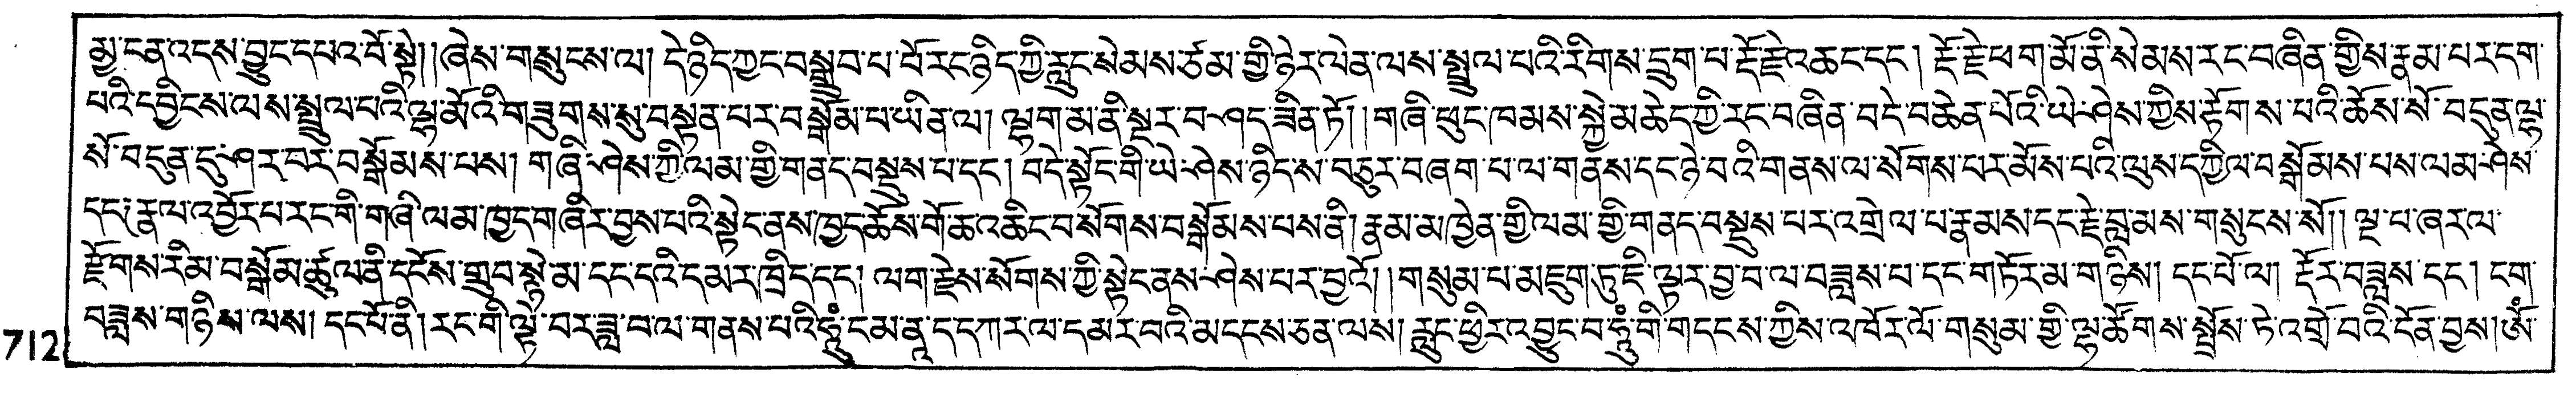མྱ་ངན་འདས་བྱུང་དཔའ་བོ་སྟེ། །ཞེས་གསུངས་ལ། དེ་ཉིད་ཀྱང་བསྒྲུབ་པ་པོ་རང་ཉིད་ཀྱི་རླུང་སེམས་ཙམ་གྱི་ཉེར་ལེན་ལས་སྤྲུལ་པའི་རིགས་དྲུག་པ་རྡོ་རྗེ་འཆང་དང་། རྡོ་རྗེ་ཕག་མོ་ནི་སེམས་རང་བཞིན་གྱིས་རྣམ་པར་དག་
པའི་དབྱིངས་ལས་སྤྲུལ་པའི་ལྷ་མོའི་གཟུགས་སུ་བསྟན་པར་བསྒོམ་པ་ཡིན་ལ། ལྷག་མ་ནི་སྔར་བཤད་ཟིན་ཏོ། །གཞི་ཕུང་ཁམས་སྐྱེ་མཆེད་ཀྱི་རང་བཞིན་བདེ་བ་ཆེན་པོའི་ཡེ་ཤེས་ཀྱིས་རྟོགས་པའི་ཆོས་སོ་བདུན་ལྷ་
སོ་བདུན་དུ་ཤར་བར་བསྒོམས་པས། གཞི་ཤེས་ཀྱི་ལམ་གྱི་གནད་བསྡུས་པ་དང་། བདེ་སྟོང་གི་ཡེ་ཤེས་ཉིད་ས་བཅུར་བཞག་པ་ལ་གནས་དང་ཉེ་བའི་གནས་ལ་སོགས་པར་མོས་པའི་ལུས་དཀྱིལ་བསྒོམས་པས་ལམ་ཤེས་
དང་། རྣལ་འབྱོར་པ་རང་གི་གཞི་ལམ་ཁྱད་གཞིར་བྱས་པའི་སྟེང་ནས་ཁྱད་ཆོས་གོ་ཆ་འཆིང་བ་སོགས་བསྒོམས་པས་ནི། རྣམ་མཁྱེན་གྱི་ལམ་གྱི་གནད་བསྡུས་པར་འགྲེལ་པ་རྣམས་དང་རྗེ་བླ་མས་གསུངས་སོ། །ལྔ་པ་ཞར་ལ་
རྫོགས་རིམ་བསྒོམ་ཚུལ་ནི་དངོས་གྲུབ་སྙེ་མ་དང་དའི་དམར་ཁྲིད་དང་། ལག་རྗེས་སོགས་ཀྱི་སྟེང་ནས་ཤེས་པར་བྱའོ། །གསུམ་པ་མཇུག་ཏུ་ཇི་ལྟར་བྱ་བ་ལ་བཟླས་པ་དང་གཏོར་མ་གཉིས། དང་པོ་ལ། རྡོར་བཟླས་དང་། ངག་
བཟླས་གཉིས་ལས། དང་པོ་ནི། རང་གི་ལྟེ་བར་ཟླ་བ་ལ་གནས་པའི་ཧཱུཾ་ངམ་ནཱ་ད་དཀར་ལ་དམར་བའི་མདངས་ཅན་ལས། རླུང་ཕྱིར་འབྱུང་བ་ཧཱུཾ་གི་གདངས་ཀྱིས་འཁོར་ལོ་གསུམ་གྱི་ལྷ་ཚོགས་སྤྲོས་ཏེ་འགྲོ་བའི་དོན་བྱས། ཨོཾ་